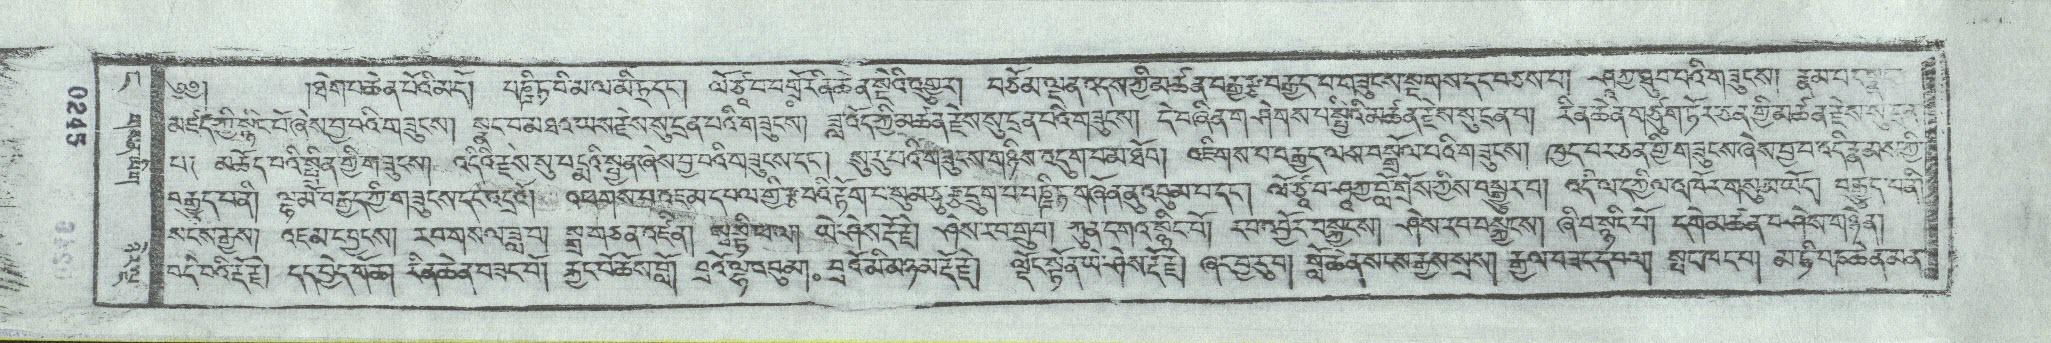༄༅། །ཐེག་པ་ཆེན་པོའི་མདོ། པཎྜི་ཏ་བི་མ་ལ་མི་ཏྲ་དང་། ལོ་ཙཱ་བ་བགྲོ་རིན་ཆེན་སྡེའི་འགྱུར། བཅོམ་ལྡན་འདས་ཀྱི་མཚན་བརྒྱ་རྩ་བརྒྱད་བ་གཟུངས་སྔགས་དང་བཅས་པ། ཤཱཀྱ་ཐུབ་པའི་གཟུངས། རྣམ་པར་སྣང་
མཛད་ཀྱི་སྙིང་བོ་ཞེས་བྱ་བའི་གཟུངས། སྣང་བ་མཐའ་ཡས་རྗེས་སུ་དྲན་པའི་གཟུངས། ཟླ་འོད་ཀྱི་མཚན་རྗེས་སུ་དྲན་པའི་གཟུངས། དེ་བཞིན་གཤེགས་པ་སྤྱིའི་མཚན་རྗེས་སུ་དྲན་པ། རིན་ཆེན་གཙུག་ཏོར་ཅན་གྱི་མཚན་རྗེས་སུ་དྲན་
པ༑ མཆོད་པའི་སྤྲིན་གྱི་གཟུངས། འདིའི་རྗེས་སུ་པདམའི་སྤྱན་ཞེས་བྱ་བའི་གཟུངས་དང་། སུ་རུ་པའི་གཟུངས་གཉིས་འདུག་པ་མ་ཐོབ། འཇིགས་པ་བརྒྱད་ལས་བསྒྲོལ་བའི་གཟུངས། ཁྱད་བར་ཅན་གྱི་གཟུངས་ཞེས་བྱ་བ་འདི་རྣམས་ཀྱི་
བརྒྱུད་བ་ནི། ལྟ་མོ་བརྒྱད་ཀྱི་གཟུངས་དང་འདྲའོ། །འཕགས་པ་འཇམ་དཔལ་གྱི་རྩ་བའི་རྟོག་བ་སུམ་ཅུ་རྩ་དྲུག་པ་པཎྜི་ཏ་གཞོན་ནུ་འབུམ་པ་དང་། ལོ་ཙཱ་བ་ཤཱཀྱ་བློ་གྲོས་ཀྱིས་བསྒྱུར་བ། འདི་ལ་དཀྱིལ་འཁོར་གསུམ་ཡོད། བརྒྱུད་བ་ནི།
སངས་རྒྱས། འཇམ་དབྱངས། རབ་གསལ་ཟླ་བ། སྒྲ་གཅན་འཛིན། སྭ་སྟི་ཕལ། ཡེ་ཤེས་རྡོ་རྗེ། ཤེས་རབ་གྲུབ། ཀུན་དགའ་སྙིང་པོ། རབ་འབྱོར་བསྐྱངས། ཤེས་རབ་བསྐྱངས། ཞི་བ་སྙིང་པོ། དགེ་མཚན་བཤེས་གཉེན།
བདེ་བའི་རྡོ་རྗེ། དད་བྱེད་གོ་ཆ། རིན་ཆེན་བཟང་པོ། རྐྱང་པོ་ཆོས་བློ། བྲའོ་ལྟ་འབུམ། བྲའོ་མི་མཉམ་རྡོ་རྗེ། ལྡོང་སྟོན་ཡེ་ཤེས་རྡོ་རྗེ། ཞང་བྱ་རུ་བ། སློ་ཆེན་སངས་རྒྱས་སྲས། རྒྱས་བཟང་དཔལ། སྤང་ཁང་པ། མ་ཧི་པཎ་ཆེན་